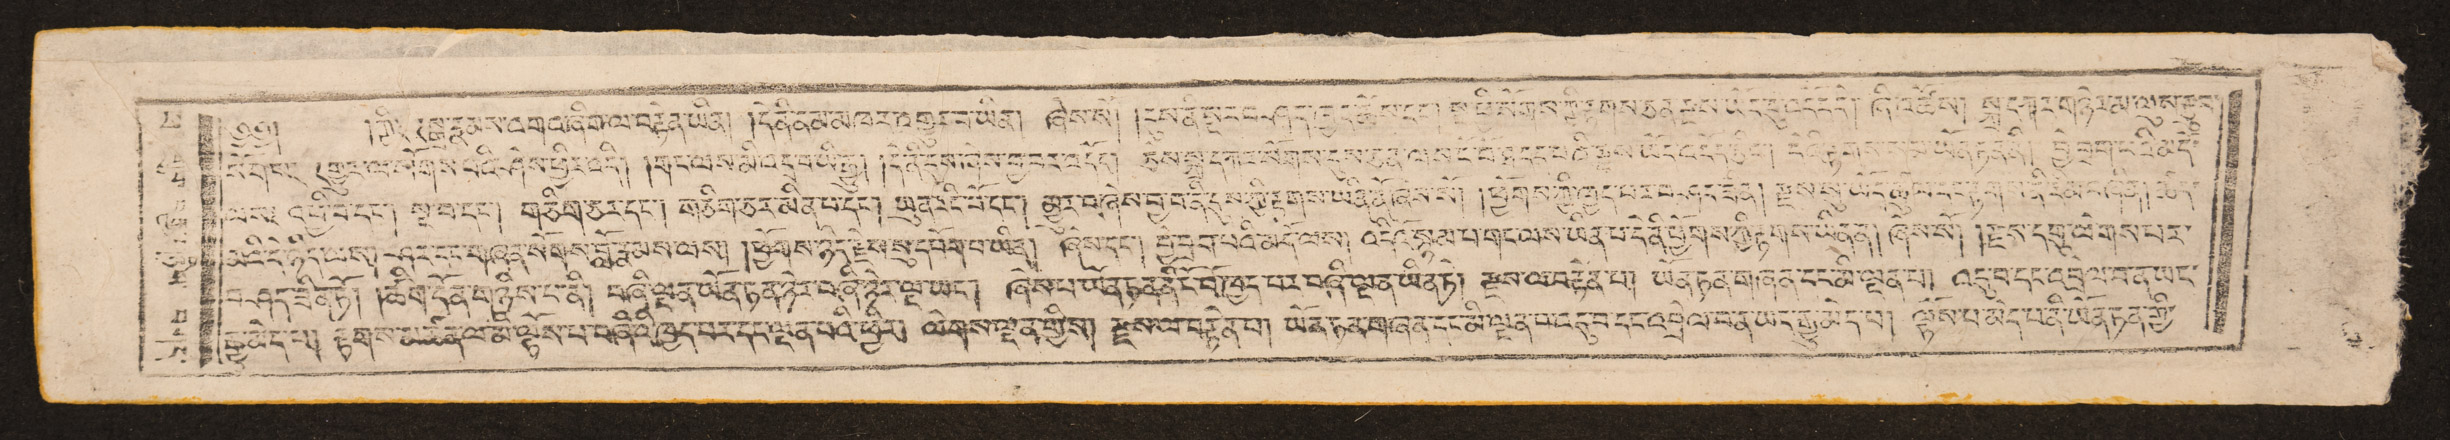༄༅། །ཀྱི༑ ༑སྒྲ་རྣམས་འགའ་ཞིག་ལ་བརྟེན་ཡིན། །དེ་ནི་ནམ་མཁར་འགྱུར་བ་ཡིན། ཞེས་སོ། །དུས་ནི་སྔར་བཤད་ཁྱད་ཆོས་དང་། སྔ་ཕྱི་སོགས་ཀྱི་རྟགས་ཅན་རྫས་ཡོད་དུ་འདོད་དེ། ཞི་འཚོས། སྐྲ་དཀར་གཉེར་མ་ལུས་རྩུབ་
སོགས༑ ༑གྱུར་ལ་སོགས་པའི་ཤེས་ཕྱིར་འདི། །གང་ལས་མི་འདྲ་བ་ཡི་རྒྱུ། །དེ་ནི་དུས་ཞེས་བྱ་བར་འདོད། ཅེས་སྐྲ་དཀར་སོགས་དུས་ཅན་ལས་ངོ་བོ་ཐ་དད་པའི་རྫས་ཡོད་འདོད་ཅིང་། དེའི་རྟགས་སམ་ཡོན་ཏན་ནི། བྱེ་བྲག་པའི་མདོ་
ལས༑ འཕྱི་བ་དང་། སྔ་བ་དང་། གཅིག་ཅར་དང་། གཅིག་ཅར་མིན་པ་དང་། ཡུན་རིང་པོ་དང་། མྱུར་བ་ཞེས་བྱ་བ་ནི་དུས་ཀྱི་རྟགས་ཡིན་ནོ་ཞེས་སོ། །ཕྱོགས་ཀྱི་ཁྱད་པར་བཤད་ཟིན། རྫས་སུ་ཡོད་ཚུལ་དང་རྟགས་ནི་རིམ་བཞིན། ཚད་
མའི་དེ་ཉིད་ལས། ཤར་དང་གཞན་སོགས་བློ་རྣམས་ལས། །ཕྱོགས་ཉིད་རྗེས་སུ་དཔོག་པ་ཡིན། ཞེས་དང་། བྱེ་བྲག་པའི་མདོ་ལས། འདིའོ་སྙམ་པ་གང་ལས་ཡིན་པ་དེ་ནི་ཕྱོགས་ཀྱི་རྟགས་ཡིན་ན། ཞེས་སོ། །རྫས་དགུ་ལེགས་པར་
བཤད་ཟིན་ཏོ། །ཚིག་དོན་གཉིས་པ་ནི། བཞི་ལྡན་ཡོན་ཏན་ཉེར་བཞི་ཉེར་ལྔ་ཡང་། ཞེས་པ་ཡོན་ཏན་ནི་ངོ་བོ་ཁྱད་པར་བཞི་ལྡན་ཡིན་ཏེ། རྫས་ལ་བརྟེན་པ། ཡོན་ཏན་གཞན་དང་མི་ལྡན་པ། འདུ་བ་དང་འབྲེལ་བ་ན་ཡང་
རྒྱུ་མེད་པ། རྟགས་མཚན་ལ་མི་ལྟོས་པ་བཞིའི་ཁྱད་པར་དང་ལྡན་པའི་ཕྱིར། ལེགས་ལྡན་གྱིས། རྫས་ལ་བརྟེན་པ། ཡོན་ཏན་གཞན་དང་མི་ལྡན་པ་འདུ་བ་དང་འབྲེལ་བ་ན་ཡང་རྒྱུ་མེད་པ། ལྟོས་པ་མེད་པ་ནི་ཡོན་ཏན་གྱི་